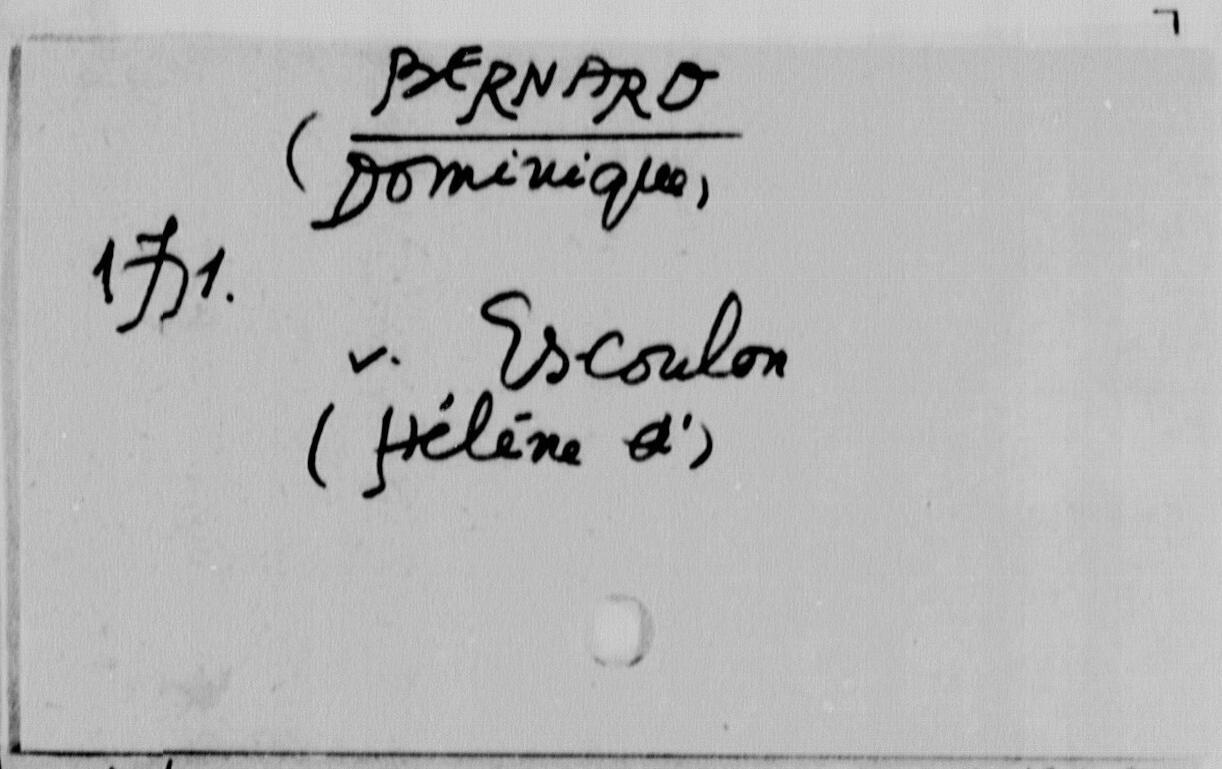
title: BERNARD (Dominique)
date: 1701
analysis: Voir Escoulon (Hélène d')
